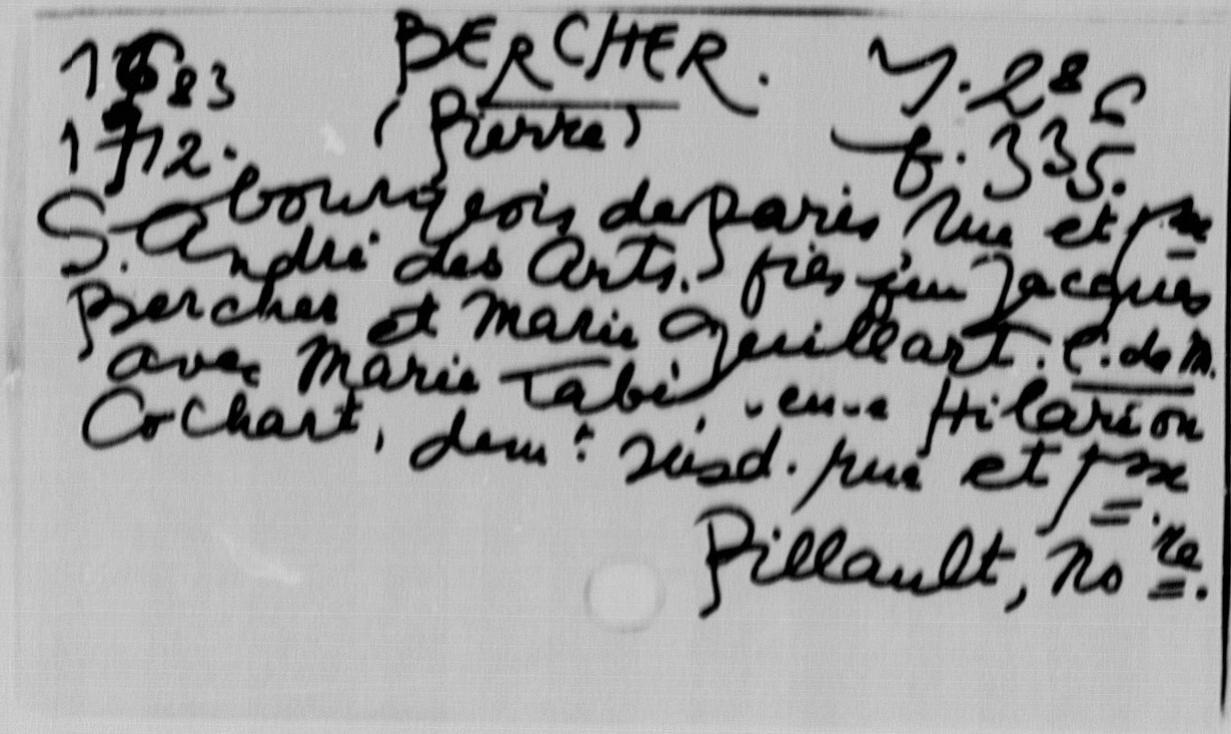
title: BERCHER (Pierre)
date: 1683-1712
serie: Y
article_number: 286
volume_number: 335
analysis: Bourgeois de Paris rue et paroisse Saint-André des Arts, fils feu Jacques Bercher et Marie Guillart .Contrat de mariage avec Marie Labé, veuve Hilarion Cochart, demeurant susdites rue et paroisse. Pillault, notaire.
